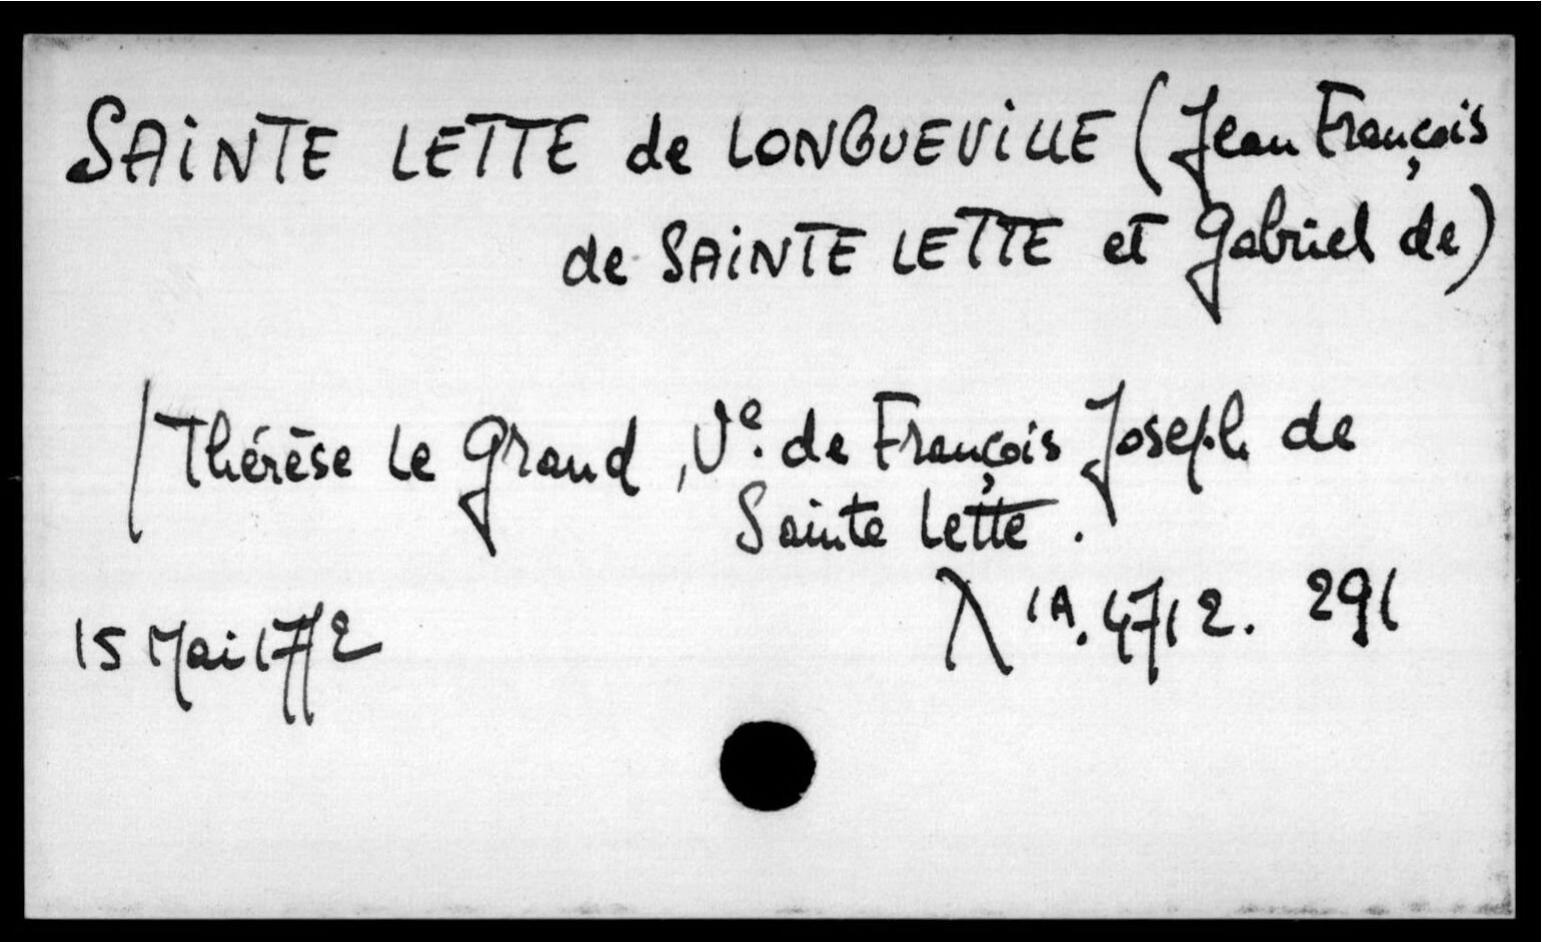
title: SAINTE LETTE de LONGUEVILLE (Jean François de SAINTE LETTE et gabrièl de)
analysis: Contre Thérèse le Grand, veuve de François Joseph de Sainte Lette.
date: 15 mai 1772
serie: X1A
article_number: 4712
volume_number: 291
